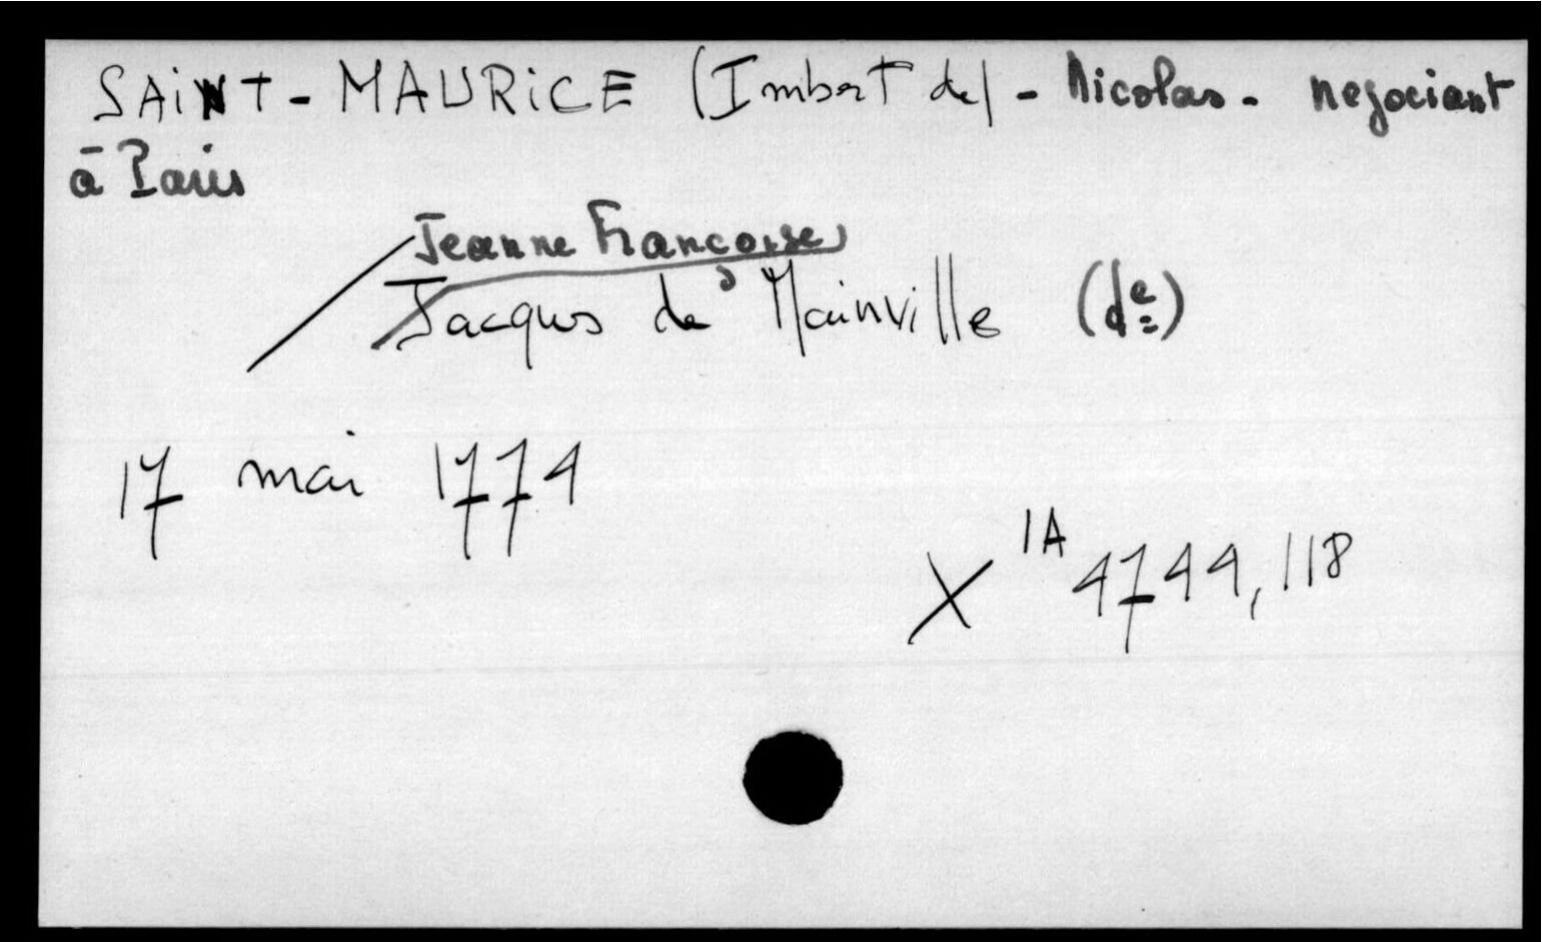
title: SAINT-MAURICE (Imbert de) -Nicolas - négociant à Paris
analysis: Contre Jeanne Françoise Jacques de Mainville (damoiselle)
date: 17 mai 1774
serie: X1A
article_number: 4744
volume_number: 118
